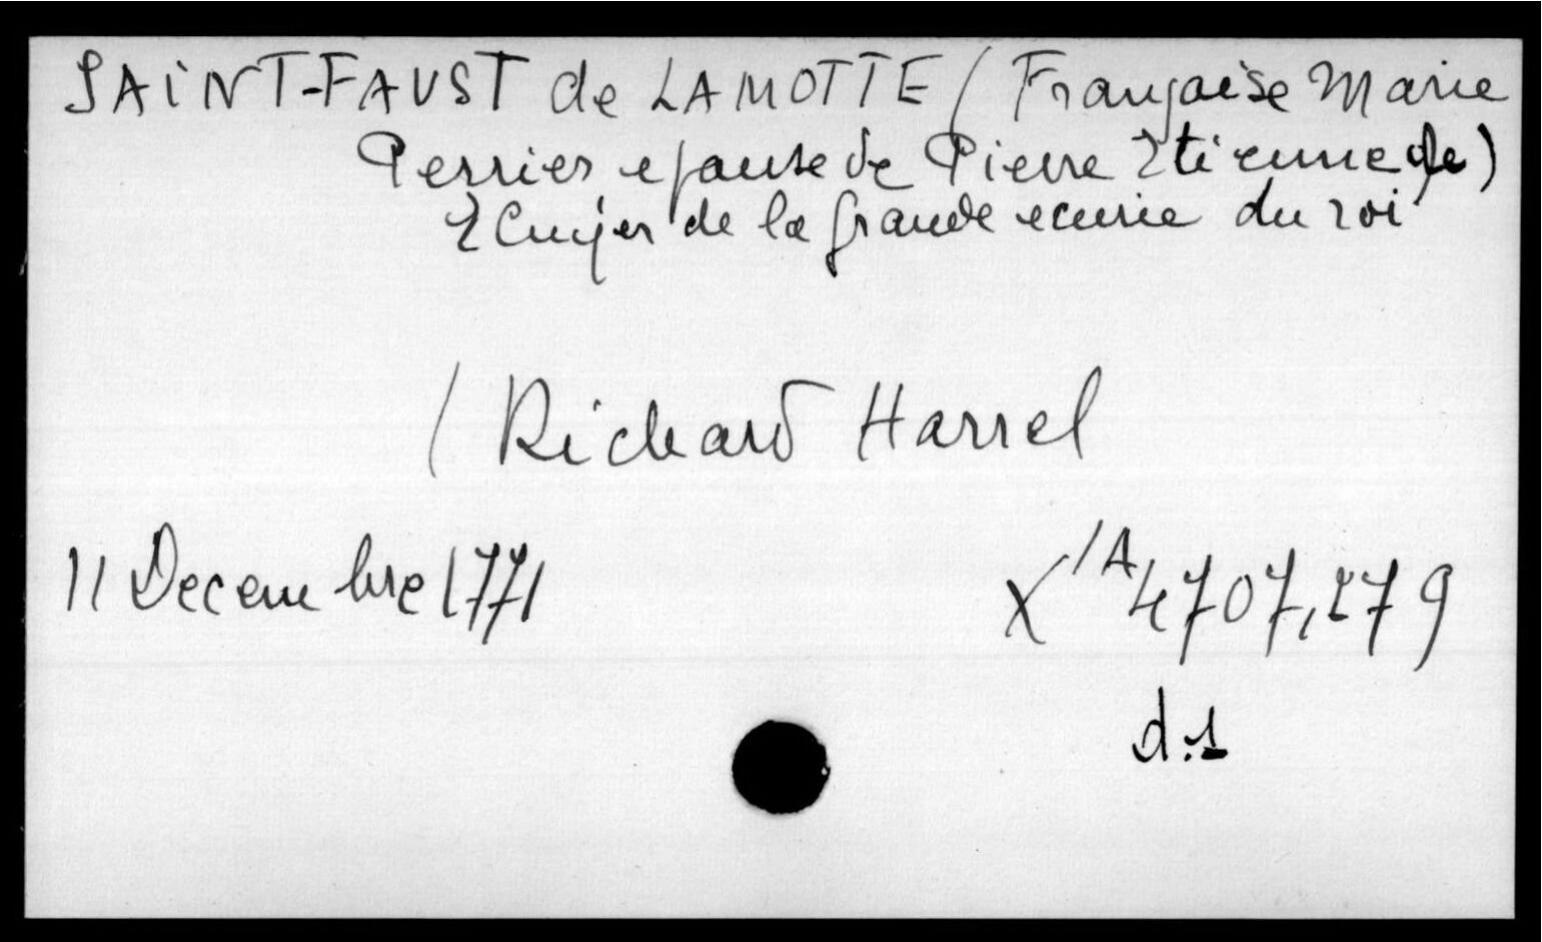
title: SAINT-FAUST de LA MOTTE (Françoise Marie Perrier, épouse de Pierre Etienne de) Ecuyer de la grande écurie du roi
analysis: Contre Richard Harrel
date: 11 décembre 1771
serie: X1A
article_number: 4707
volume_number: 279
